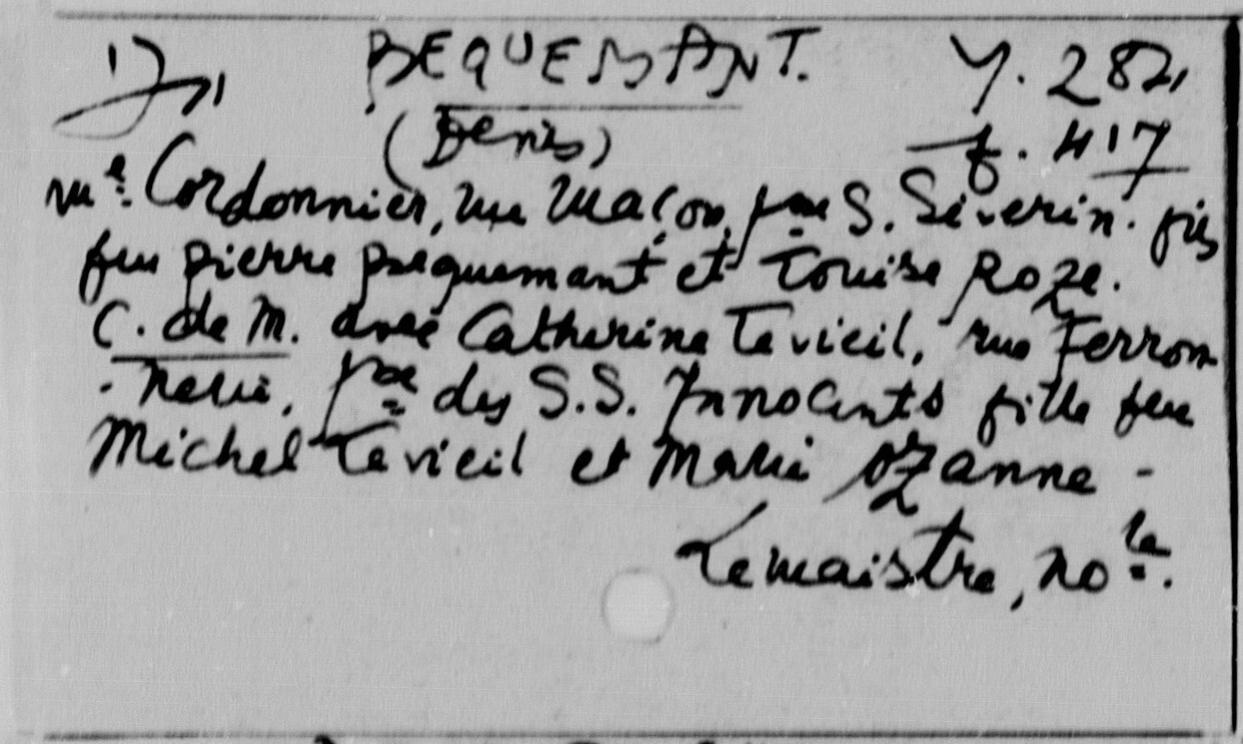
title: BEQUEMANT (Denis)
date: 1711
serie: Y
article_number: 284
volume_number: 417
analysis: Maître cordonnier, rue Maçon paroisse Saint-Séverin, fils feu Pierre Bequemant et Louise Roze. Contrat de mariage avec Catherine Levieil, rue Ferronnerie, paroisse des Saints-Innocents fille feu Michel Levieil et Marie Ozanne. Lemaistre, notaire.
